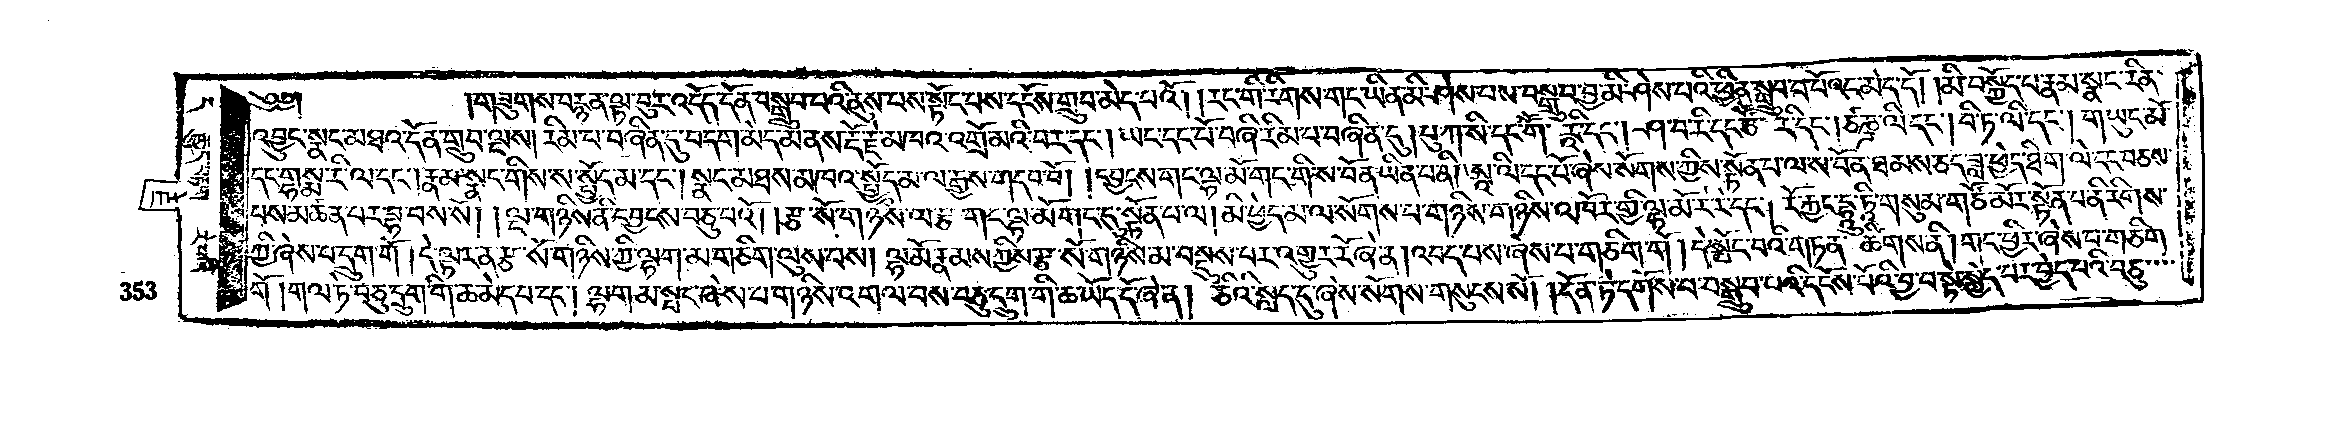༄༅། །གཟུགས་བརྙན་ལྟ་བུར་འདོད་དོན་བསྒྲུབ་པའི་ནུས་པས་སྟོང་པས་དངོས་གྲུབ་མེད་པའོ། །རང་གི་རིགས་གང་ཡིན་མི་ཤེས་པས་བསྒྲུབ་བྱ་མི་ཤེས་པའི་ཕྱིན་སྒྲུབ་པ་པོའང་མེད་དོ། །མི་བསྐྱོད་པ་རྣམ་སྣང་རིན་
འབྱུང་སྣང་མཐའ་དོན་གྲུབ་ལྔས། རིམ་པ་བཞིན་དུ་བདག་མེད་མ་ནས་རྡོ་རྗེ་མཁའ་འགྲོ་མའི་བར་དང་། ཡང་དང་པོ་བཞི་རིམ་པ་བཞིན་དུ། པུ་ཀ་སི་དང་གཽ་རཱི་དང་། ཤ་བ་རི་དང་ཙཽ་རི་དང་། ཙཎྜ་ལི་དང་། བི་ཏ་ལི་དང་། གཡུང་མོ་
དང་གྷསྨ་རི་ལ་དང་། རྣམ་སྣང་གིས་ས་སྤྱོད་མ་དང་། སྣང་མཐས་མཁའ་སྤྱོད་མ་ལ་རྒྱས་གདབ་བོ། །དབྱངས་གང་ལྷ་མོ་གང་གི་ས་བོན་ཡིན་པ་ནི། ཨཱ་ལི་དང་པོ་ཞེས་སོགས་ཀྱིས་སྟོན་པ་ལ་ས་བོན་ཐམས་ཅད་ཟླ་ཕྱེད་ཐིག་ལེ་དང་བཅས་
པས་མཚན་པར་བྷ་བས་སོ། །ལྔ་གཉིས་ནི་དབྱངས་བཅུ་པའོ། །རྩ་སོ་གཉིས་ལ་རྩ་གང་ལྷ་མོ་གང་དུ་སྟོན་པ་ལ། མི་ཕྱེད་མ་ལ་སོགས་པ་གཉིས་གཉིས་འཁོར་གྱི་ལྷ་མོ་རེ་རེ་དང་། རོ་རྐྱང་དྷཱུ་ཏཱི་གསུམ་གཙོ་མོར་སྟོན་པ་ནི་རིགས་
ཀྱི་ཞེས་པ་དྲུག་གོ །དེ་ལྟར་ན་རྩ་སོ་གཉིས་ཀྱི་ལྷག་མ་གཅིག་ལུས་པས། ལྷ་མོ་རྣམས་ཀྱིས་རྩ་སོ་གཉིས་མ་བསྡུས་པར་འགྱུར་རོ་ཞེ་ན། འབད་པས་ཞེས་པ་གཅིག་གོ །དེ་སྤོང་བའི་གཏན་ཚིགས་ནི། གང་ཕྱིར་ཞེས་པ་གཅིག་
གོ །གལ་ཏེ་བཅུ་དྲུག་གི་ཆ་མེད་པ་དང་། ལྷག་མ་སྤང་ཞེས་པ་གཉིས་འགལ་བས་བཅུ་དྲུག་གི་ཆ་ཡོད་དོ་ཞེ་ན། ཅིའི་སླད་དུ་ཞེས་སོགས་གསུངས་སོ། །དོན་ཏེ་དགོས་པ་བསྒྲུབ་པའི་དངོས་པོའི་བྱ་བ་སྟེ་སྐྱེད་པར་བྱེད་པའི་བཅུ་